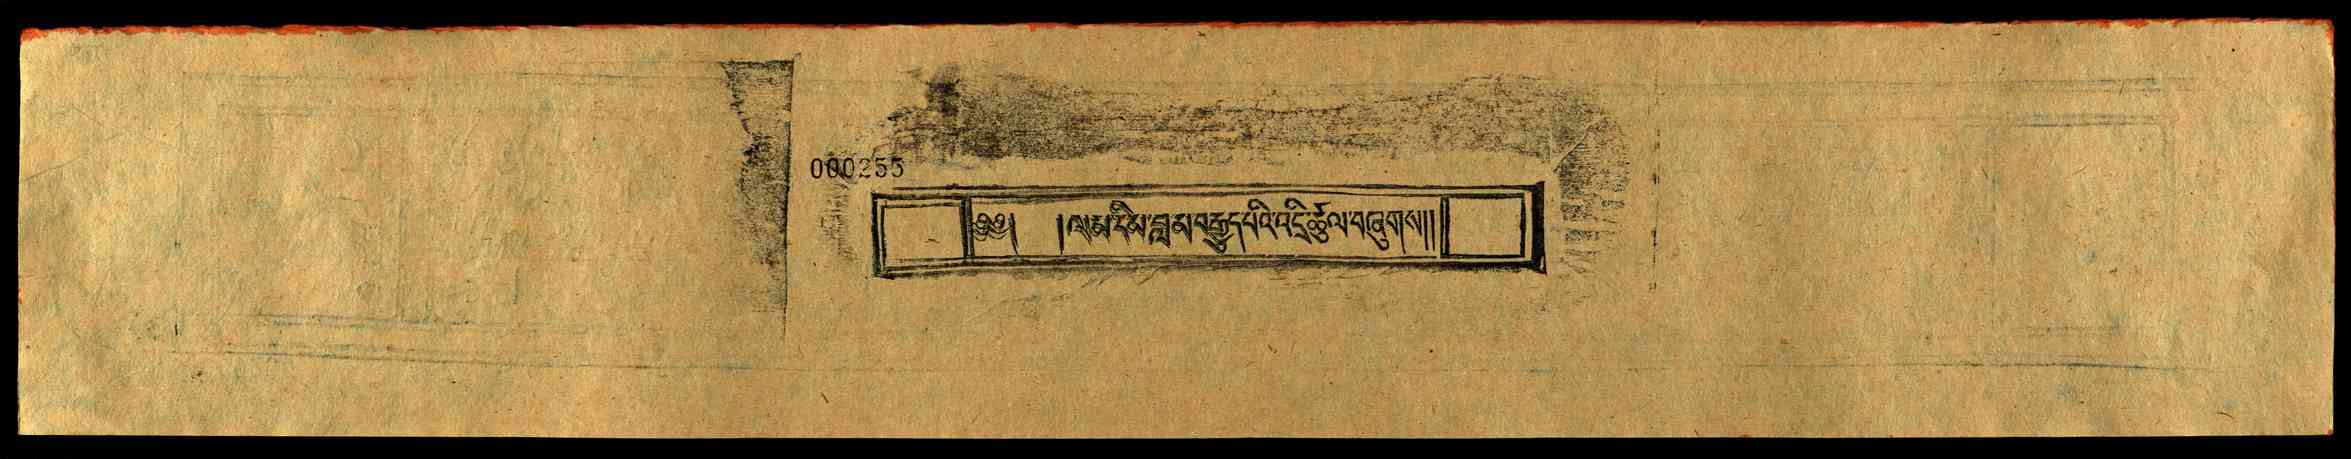༄༅། །ལམ་རིམ་བླ་མ་བརྒྱུད་པའི་འདྲི་ཚུལ་བཞུགས།།